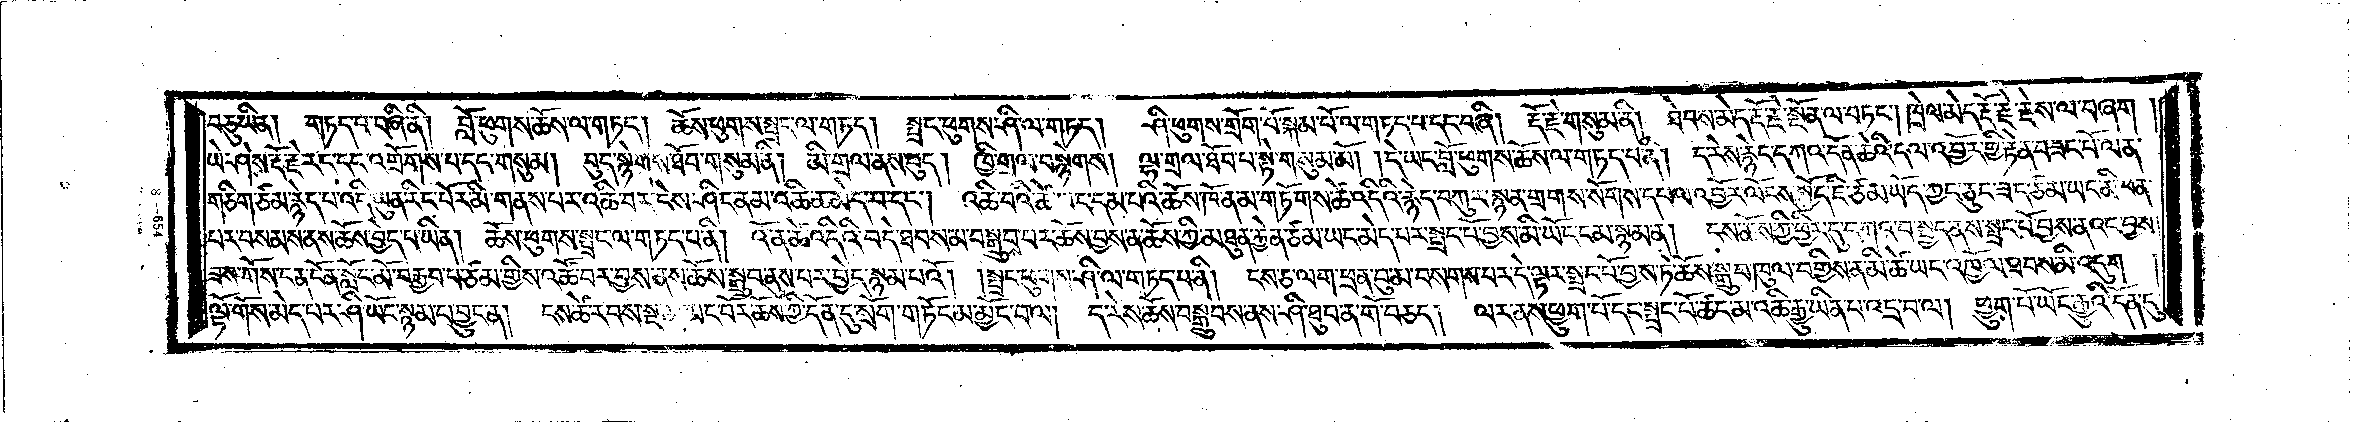བཅུ་ཡིན། གཏད་པ་བཞི་ནི། བློ་ཕུགས་ཆོས་ལ་གཏད། ཆོས་ཕུགས་སྤྲང་ལ་གཏད། སྤྲང་ཕུགས་ཤི་ལ་གཏད། ཤི་ཕུགས་གྲོག་པོ་སྐམ་པོ་ལ་གཏད་པ་དང་བཞི། རྡོ་རྗེ་གསུམ་ནི། ཐེབས་མེད་རྡོ་རྗེ་སྔོན་ལ་བཏང་། ཁྲེལ་མེད་རྡོ་རྗེ་རྗེས་ལ་བཞག །
ཡེ་ཤེས་རྡོ་རྗེ་རང་དང་འགྲོགས་པ་དང་གསུམ། བུད་སྙེགས་ཐོབ་གསུམ་ནི། མི་གྲལ་ནས་བུད། ཁྱི་གྲལ་བསྙེགས། ལྷ་གྲལ་ཐོབ་པ་སྟེ་གསུམ་མོ། །དེ་ཡང་བློ་ཕུགས་ཆོས་ལ་གཏད་པ་ནི། ད་རེས་རྙེད་དཀའ་དོན་ཆེའི་དལ་འབྱོར་གྱི་རྟེན་བཟང་པོ་ལན་
གཅིག་ཙམ་རྙེད་པ་འདི་ཡུན་རིང་པོར་མི་གནས་པར་འཆི་བར་ངེས་ཤིང་ནམ་འཆི་ཆ་མེད་པ་དང་། འཆི་བའི་ཚེ་ཡང་དམ་པའི་ཆོས་ཁོ་ན་མ་གཏོགས་ཚེ་འདིའི་རྙེད་བཀུར་སྙན་གྲགས་སོགས་དཔལ་འབྱོར་ལོངས་སྤྱོད་ཇི་ཙམ་ཡོད་ཀྱང་ཅུང་ཟད་ཙམ་ཡང་མི་ཕན་
པར་བསམས་ནས་ཆོས་བྱེད་པ་ཡིན། ཆོས་ཕུགས་སྤྲང་ལ་གཏད་པ་ནི། འོ་ན་ཚེ་འདིའི་བདེ་ཐབས་མ་བསྒྲུབས་པར་ཆོས་བྱས་ན་ཆོས་ཀྱི་མཐུན་རྐྱེན་ཙམ་ཡང་མེད་པར་སྤྲང་པོ་བྱས་མི་ཡོང་ངམ་སྙམ་ན། ངས་ཆོས་ཀྱི་ཕྱིར་དུ་དཀའ་བ་སྤྱད་ནས་སྤྲང་པོ་བྱས་ནའང་བྱས།
ཟས་གོས་ངན་ངོན་སློང་མོ་བརྒྱབ་པ་ཙམ་གྱིས་འཚོ་བར་བྱས་ནས་ཆོས་སྒྲུབ་ནུས་པར་བྱེད་སྙམ་པའོ། །སྤྲང་ཕུགས་ཤི་ལ་གཏད་བ་ནི། ངས་ཅ་ལག་ཕྲན་བུ་མ་བསགས་པར་དེ་ལྟར་སྤྲང་པོ་བྱས་ཏེ་ཆོས་སྒྲུབ་ཁུལ་བགྱིས་ན་མི་ཚེ་ཡང་འཁྱོལ་ཐབས་མི་འདུག །
ལྟོ་གོས་མེད་པར་ཤི་ཡོང་སྙམ་པ་བྱུང་ན། ངས་ཚེ་རབས་སྔ་མ་མང་པོར་ཆོས་ཀྱི་དོན་དུ་སྲོག་གཏོང་མ་མྱོང་བ་ལ། ད་རེས་ཆོས་བསྒྲུབས་ནས་ཤི་ཐུབ་ན་གོ་བཅད། ལར་ནས་ཕྱུག་པོ་དང་སྤྲང་པོ་ཚང་མ་འཆི་རྒྱུ་ཡིན་པ་འདྲ་བ་ལ། ཕྱུག་པོ་ཡོང་རྒྱུའི་དོན་དུ་